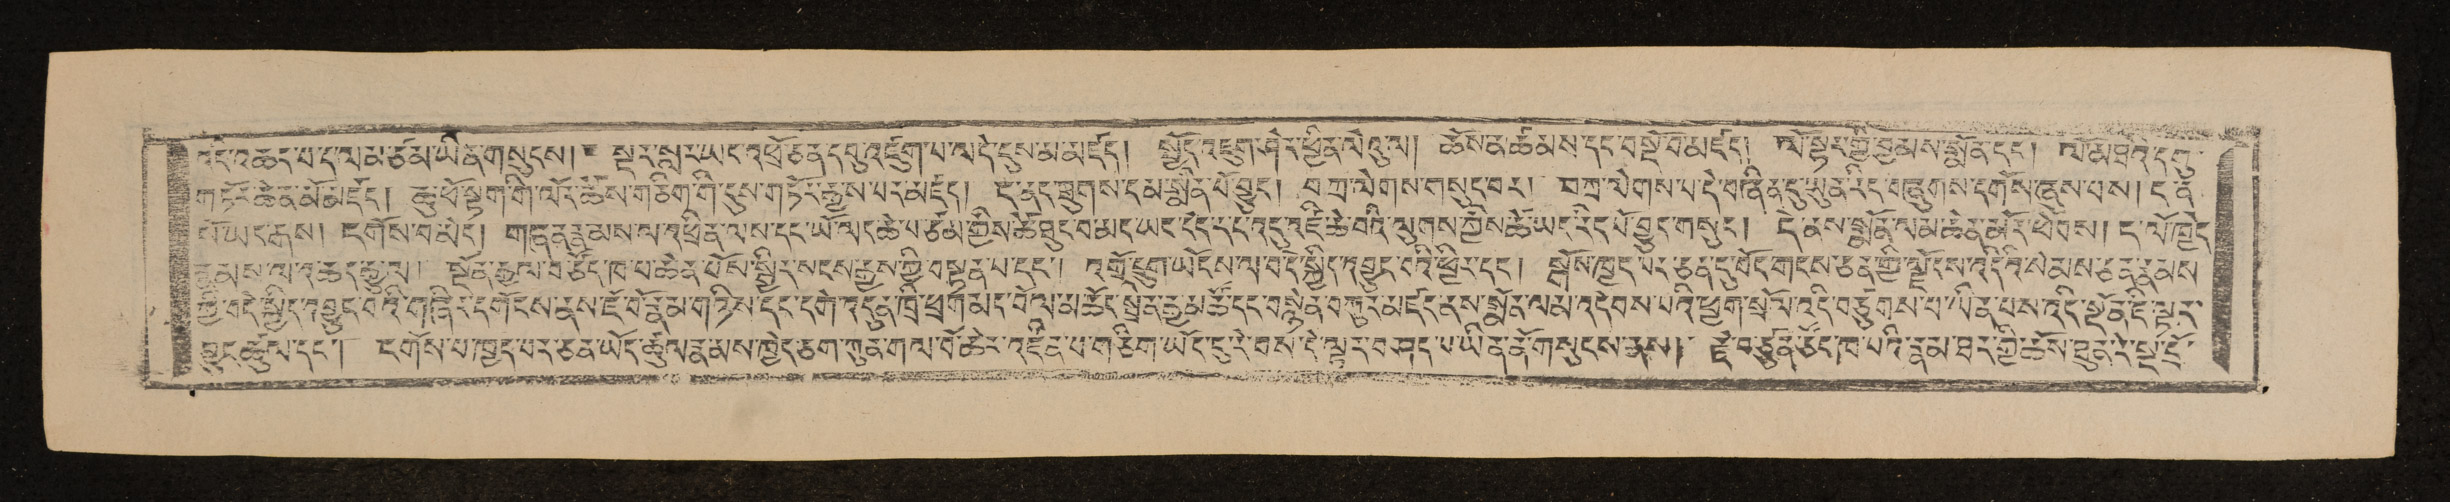འདི་འཆད་པ་ད་ལམ་ཙམ་ཡིན་གསུངས། སྔར་སླར་ཡང་འཕྲོ་ཅན་དབུ་འཛུག་པ་ལ་དེ་དུས་མ་མཛད། སྤྱོད་འཇུག་ཤེར་ཕྱིན་ལེའུ་ལ། ཆོས་མཚམས་དང་བསྔོ་བ་མཛད། ལོ་སྟར་གྱི་བྱམས་སྨོན་དང་། ལོ་མཐའི་དགུ་
གཏོར་ཆེན་མོ་མཛད། ཆུ་ཕོ་སྟག་གི་ལོར་ཚེས་གཅིག་གི་དུས་གཏོར་རྒྱས་པར་མཛད། ད་ནང་ཐུགས་དམ་སྨིན་པོ་བྱུང་། བཀྲ་ལེགས་གསུང་བར། བཀྲ་ལེགས་པ་དེ་བཞིན་དུ་ཡུན་རིང་བཞུགས་དགོས་ཞུས་པས། ད་ན་
སོ་ཡང་རྒས། དགོས་པ་མེད། གཞན་རྣམས་ལ་འཕྲིན་ལས་དང་ཡོ་ལང་ཆེ་པ་ཙམ་གྱིས་ཚེ་ཐུང་བ་མང་ཡང་ངེད་རང་འདུ་འཛི་ཆེ་བའི་ལུགས་ཀྱིས་ཚེ་ཡང་རིང་པོ་བྱུང་གསུང་། དེ་ནས་སྨོན་ལམ་ཆེན་མོར་ཕེབས། ད་ལོ་ཁྱེད་
རྣམས་ལ་འཆད་རྒྱུ་ལ། སྔོན་རྒྱལ་བ་ཙོང་ཁ་པ་ཆེན་པོས་སྤྱིར་སངས་རྒྱས་ཀྱི་བསྟན་པ་དང་། འགྲོ་དྲུག་ཡོངས་ལ་བདེ་སྐྱིད་འབྱུང་བའི་ཕྱིར་དང་། སྒོས་ཁྱད་པར་ཅན་དུ་བོད་གངས་ཅན་གྱི་ལྗོངས་འདིའི་སེམས་ཅན་རྣམས་
ཀྱི་བདེ་སྐྱིད་འབྱུང་བའི་གཞིར་དགོངས་ནས་ཇོ་བོ་རྣམ་གཉིས་དང་དགེ་འདུན་ཁྲི་ཕྲག་མང་པོ་ལ་མཆོད་སྤྲིན་རྒྱ་མཚོ་དང་བསྙེན་བཀུར་མཛད་ནས་སྨོན་ལམ་འདེབས་པའི་ཕྱག་སྲོལ་འདི་བཙུགས་པ་ཡིན་པས་འདི་སྔོན་ཇི་ལྟར་
བྱུང་ཚུལ་དང་། དགོས་པ་ཁྱད་པར་ཅན་ཡོད་ཚུལ་རྣམས་ཁྱེད་ཅག་ཀུན་གལ་པོ་ཆེར་འཛིན་པ་གཅིག་ཡོད་དུ་རེ་བས་དེ་ལྟར་བཤད་པ་ཡིན་ནོ་གསུངས་ནས། རྗེ་བཙུན་ཙོང་ཁ་པའི་རྣམ་ཐར་གྱི་ཆོས་ཐུན་རེ་སྔ་དྲོ་